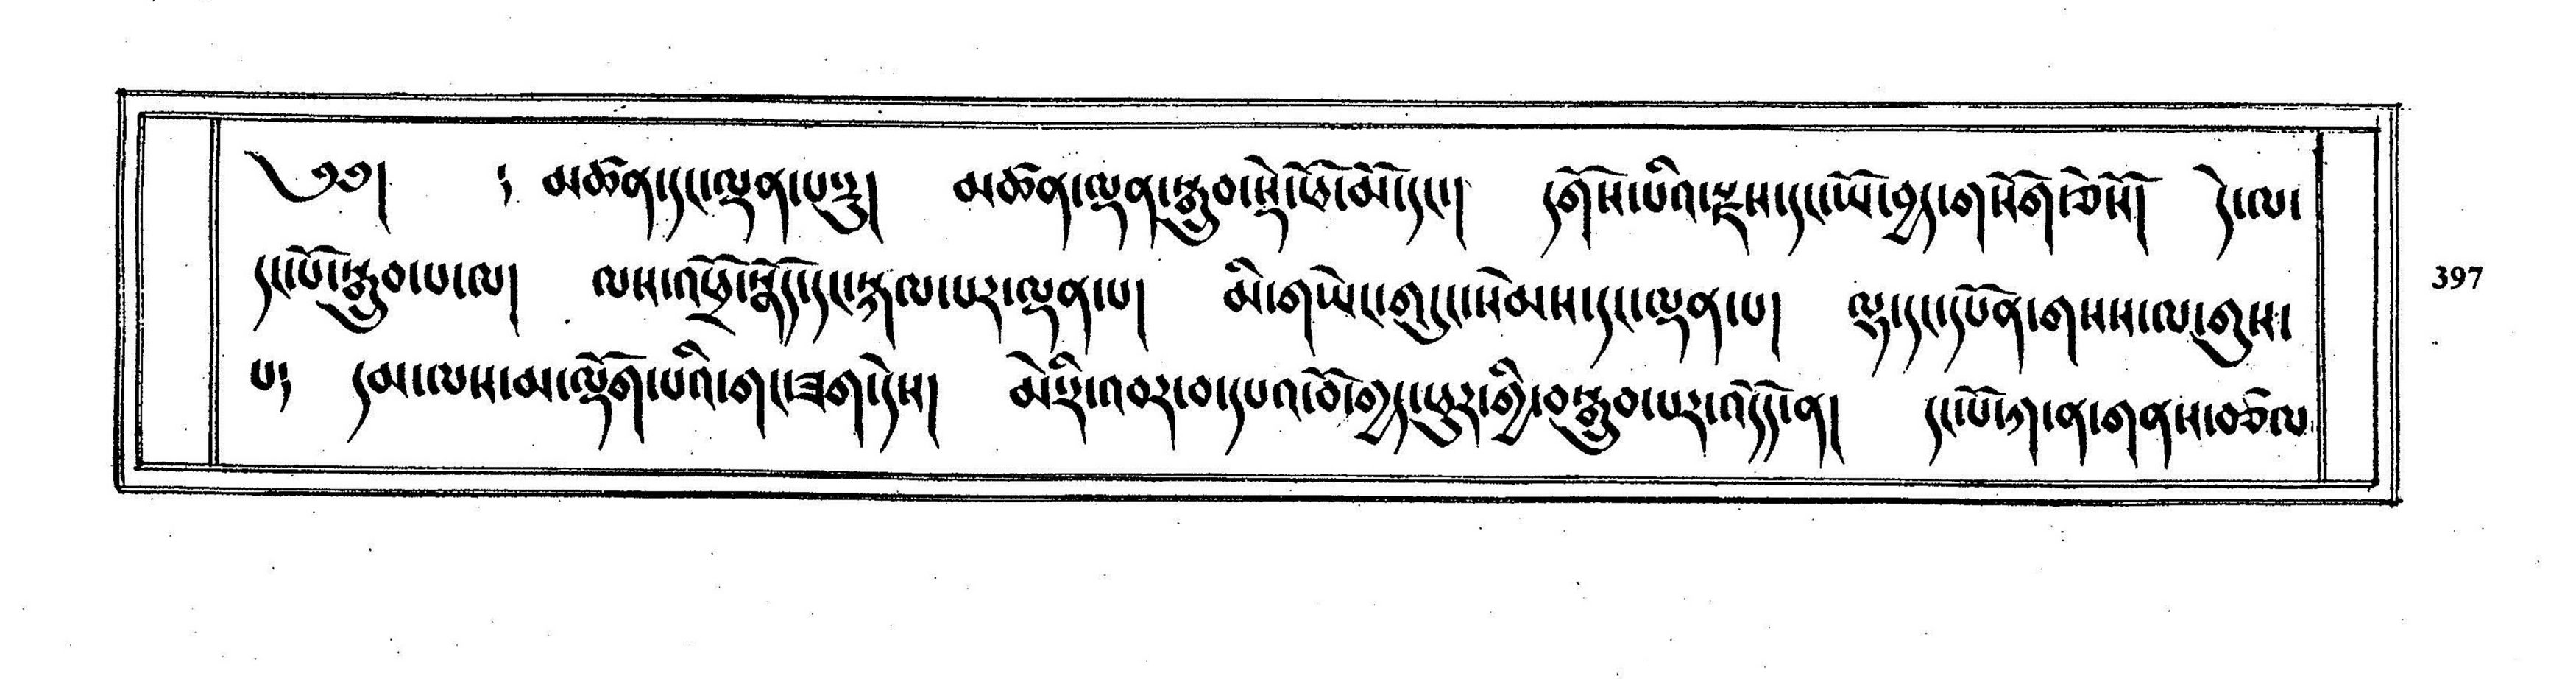མཚན་དང་ལྡན་པ་རུ།། མཚན་ལྡན་སྒྲུབ་སྡེ་ཕོ་མོ་དང་། དགོས་པའི་རྫས་དང་ཡོ་བྱད་གསོག་ཅེས་སོ། དེ་ལ་
དང་པོ་སྒྲུབ་པ་ལ།། ལས་འཕྲོ་སྣོད་དང་སྐལ་པར་ལྡན་པ། མི་གཡེང་གདུང་སེམས་དང་ལྡན་པ། ལྷ་{407}དང་དཔོན་གསས་ལ་གུས་
པ། དམ་ལས་མ་ལྡོག་པའི་གང་ཟག་དེས། མེ་རི་འབར་བ་དཔའ་བོ་གྱད་ཕུར་གྱི་བསྒྲུབ་པར་འདོད་ན། དང་པོ་ཁ་ན་གནས་བཙལ་